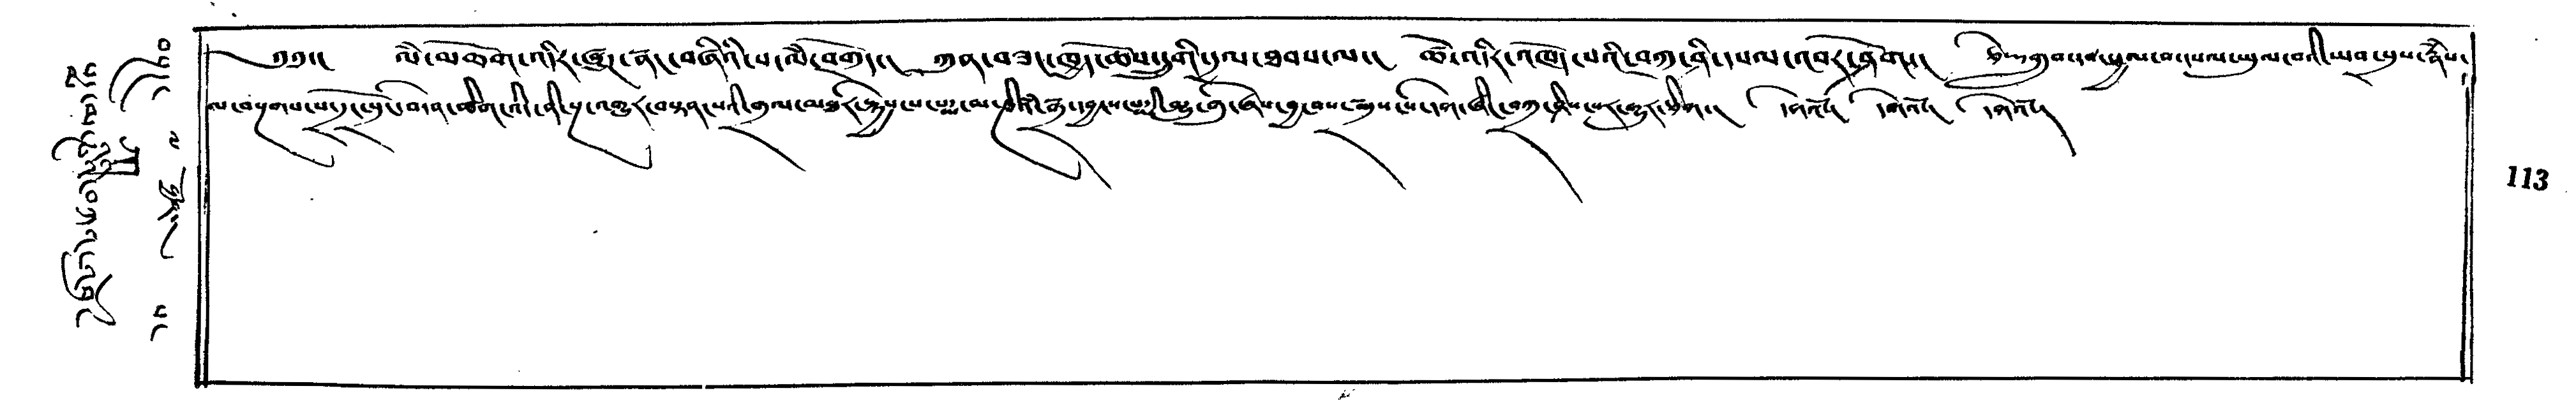ལམ་མཆོག་འདིར་ཞུགས་སྣང་བཞིའི་ས་ལམ་བགྲོད། །ཀུན་བཟང་ཁྱད་ཆོས་དྲུག་གི་རྒྱལ་ཐབས་ལ། །ཚེ་འདིར་འཁོད་པའི་བཀྲ་ཤིས་དཔལ་འབར་ཤོག ། ཅེས་གྲུབ་དབང་རྒྱལ་བ་དཔལ་ཡུལ་བའི་ཡབ་སྲས་རྣམས་
ལ་བསྔགས་པ་དྲང་སྲོང་བདེན་ཚིག་འདི་ནི་སྔ་འགྱུར་བསྟན་པའི་གྲལ་མཐར་སྐྱེས་པ་པདྨ་མ་ཎིའམ་སྒྲ་དབྱངས་པདྨའི་མྱུ་གུ་ཞེས་བྱ་བས་སྨྲས་པ་དགེ་ཞིང་བཀྲ་ཤིས་པར་གྱུར་ཅིག དགེའོ། །དགེའོ། །དགེའོ།། །།